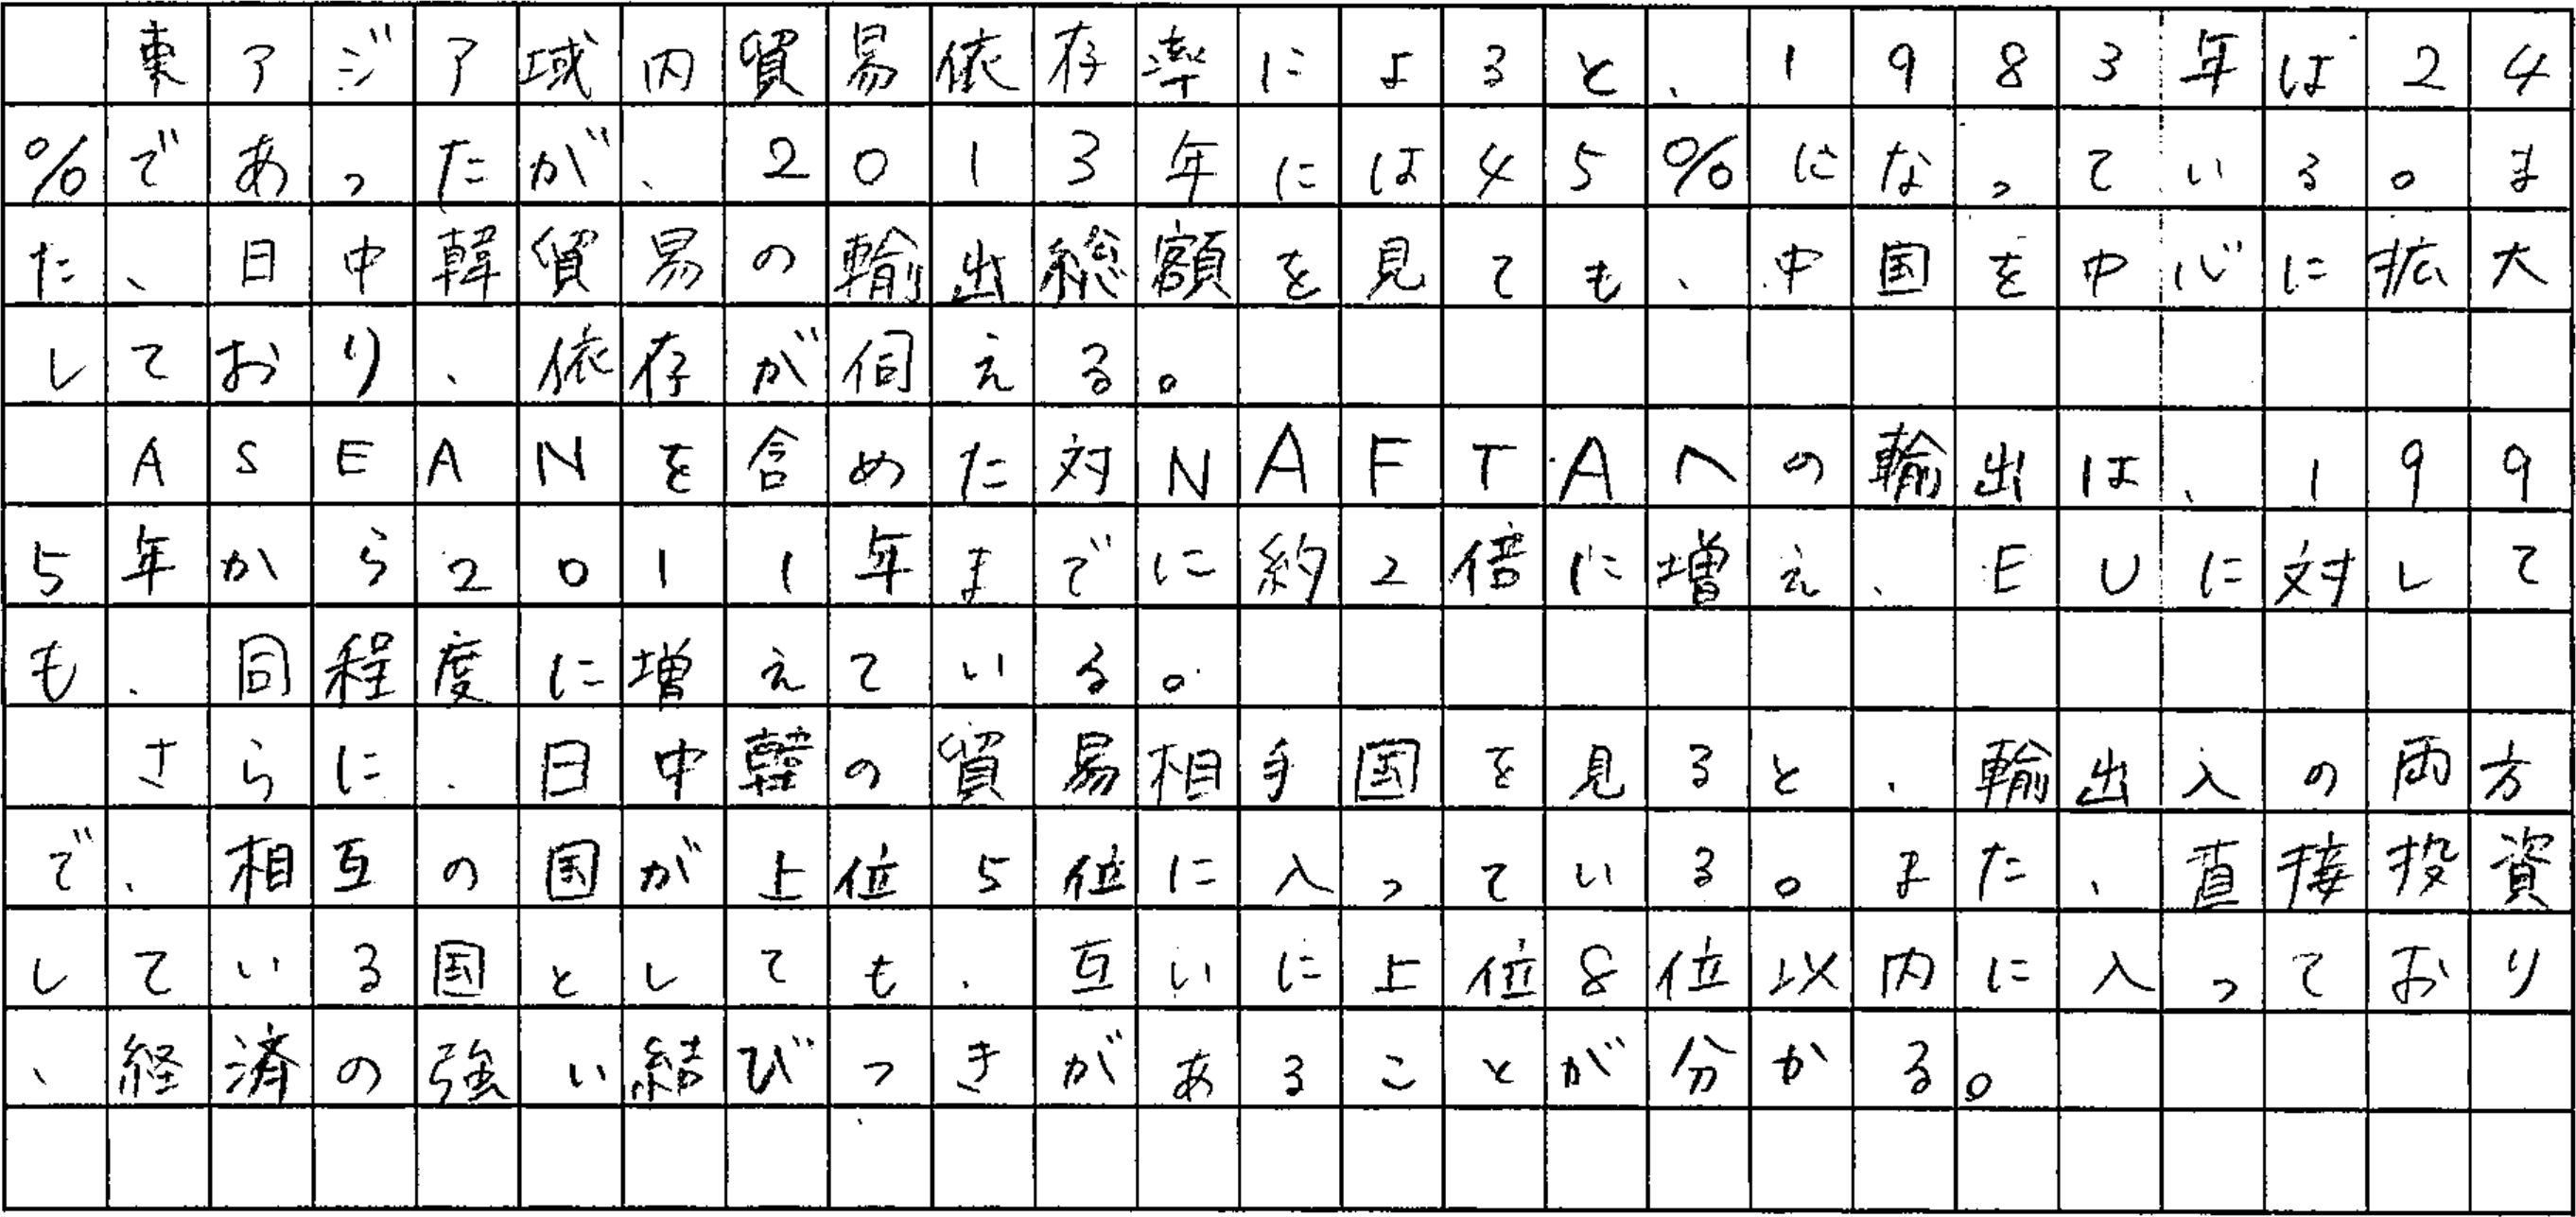　東アジア域内貿易依存率によると、１９８３年は２４％であったが、２０１３年には４５％になっている。また、日中韓貿易の輸出総額を見ても、中国を中心に拡大しており、依存が伺える。
　ＡＳＥＡＮを含めた対ＮＡＦＴＡへの輸出は、１９９５年から２０１１年までに約２倍に増え、ＥＵに対しても、同程度に増えている。
　さらに、日中韓の貿易相手国を見ると、輸出入の両方で、相互の国が上位５位に入っている。また、直接投資している国としても、互いに上位８位以内に入っており、経済の強い結びつきがあることが分かる。
